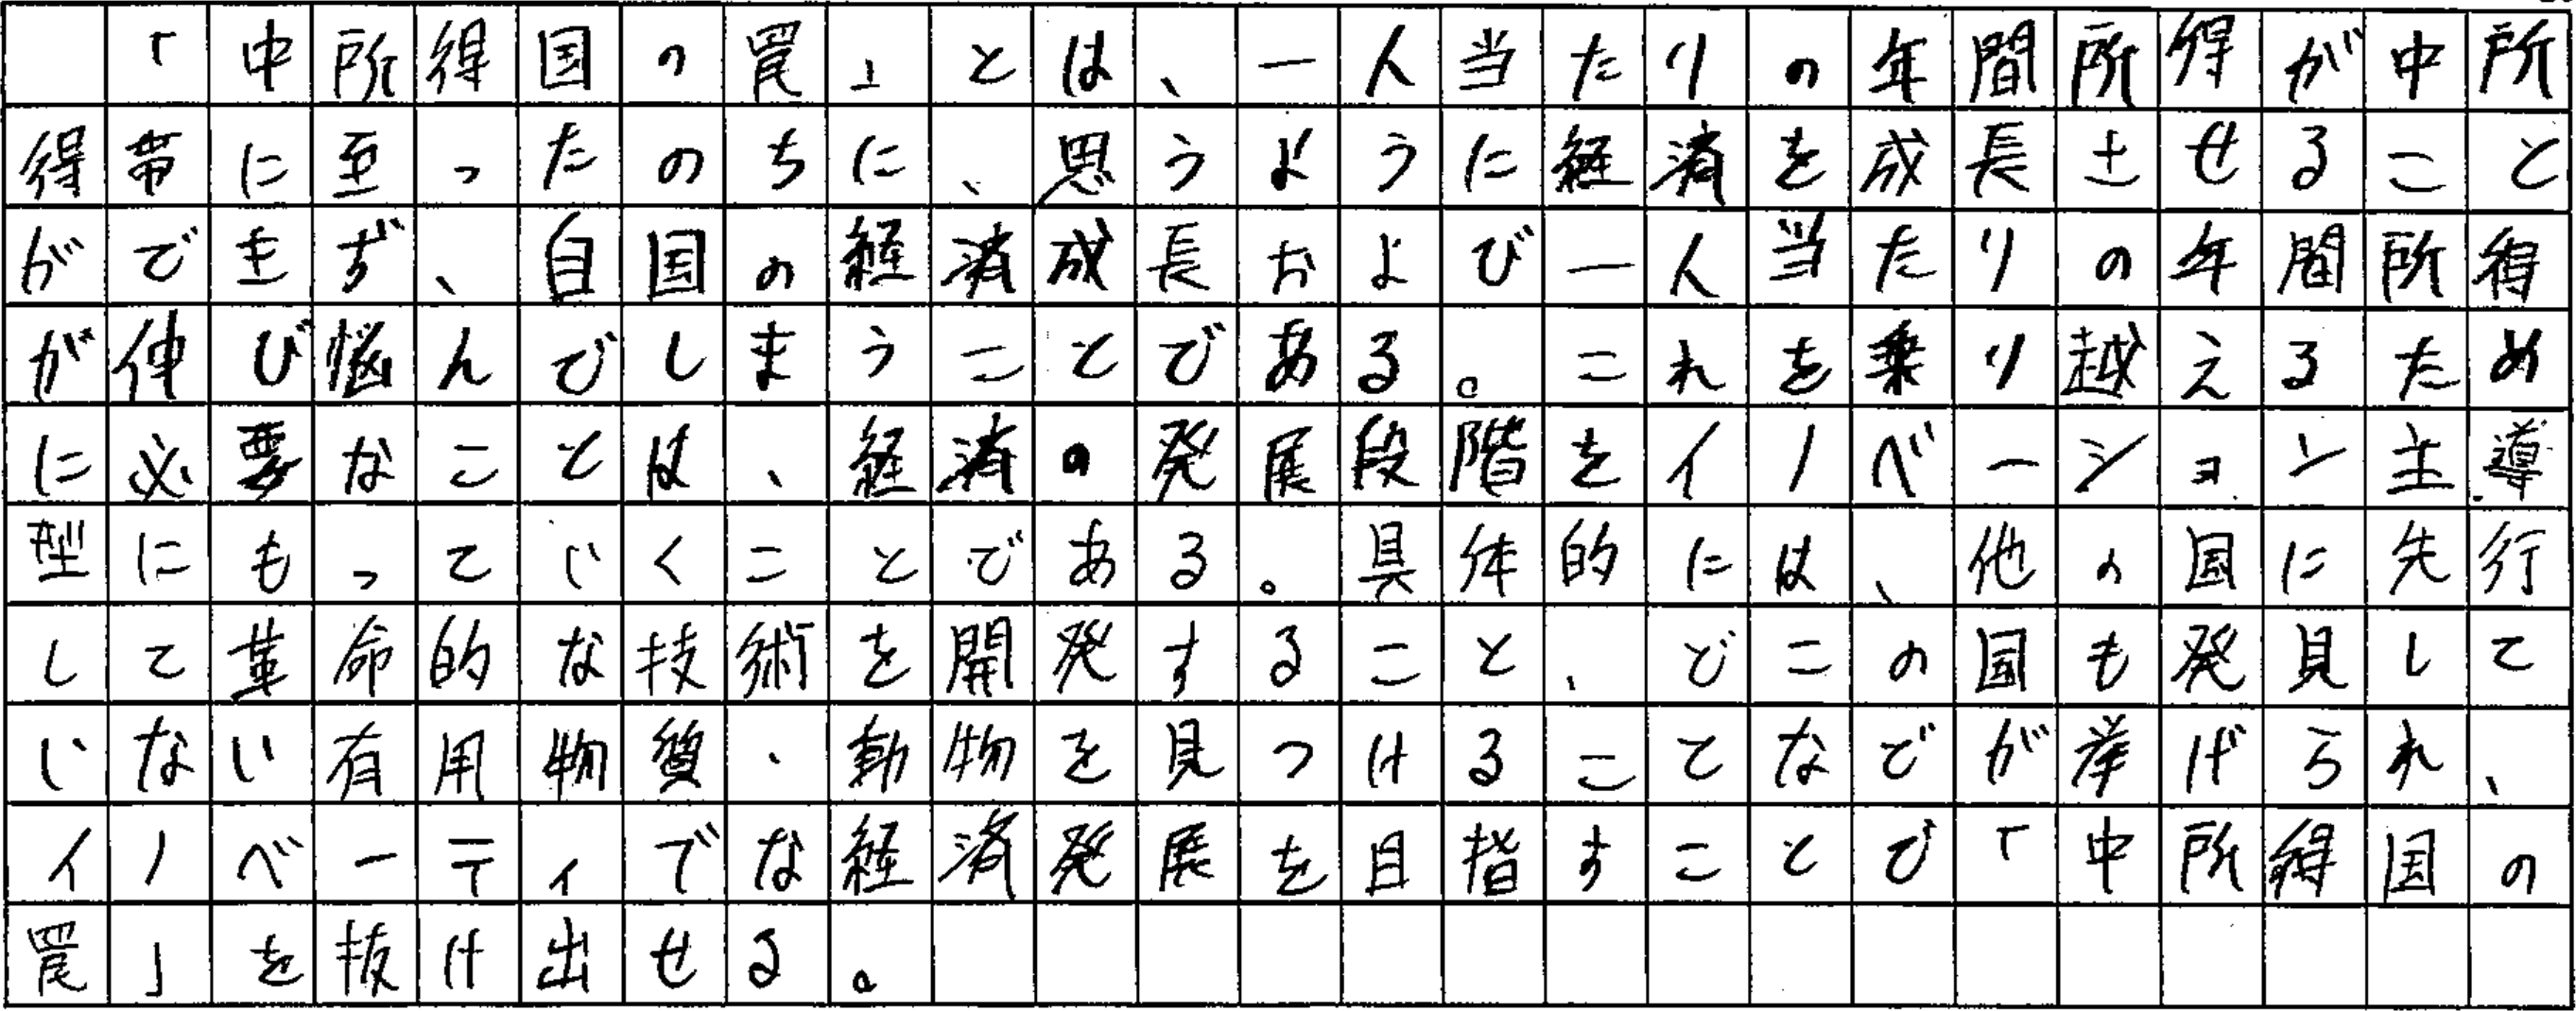　「中所得国の罠」とは、一人当たりの年間所得が中所得帯に至ったのちに、思うように経済を成長させることができず、自国の経済成長および一人当たりの年間所得が伸び悩んでしまうことである。これを乗り越えるために必要なことは、経済の発展段階をイノベーション主導型にもっていくことである。具体的には、他の国に先行して革命的な技術を開発すること、どこの国も発見していない有用物質・動物を見つけることなどが挙げられ、イノベーティブな経済発展を目指すことで「中所得国の罠」を抜け出せる。
